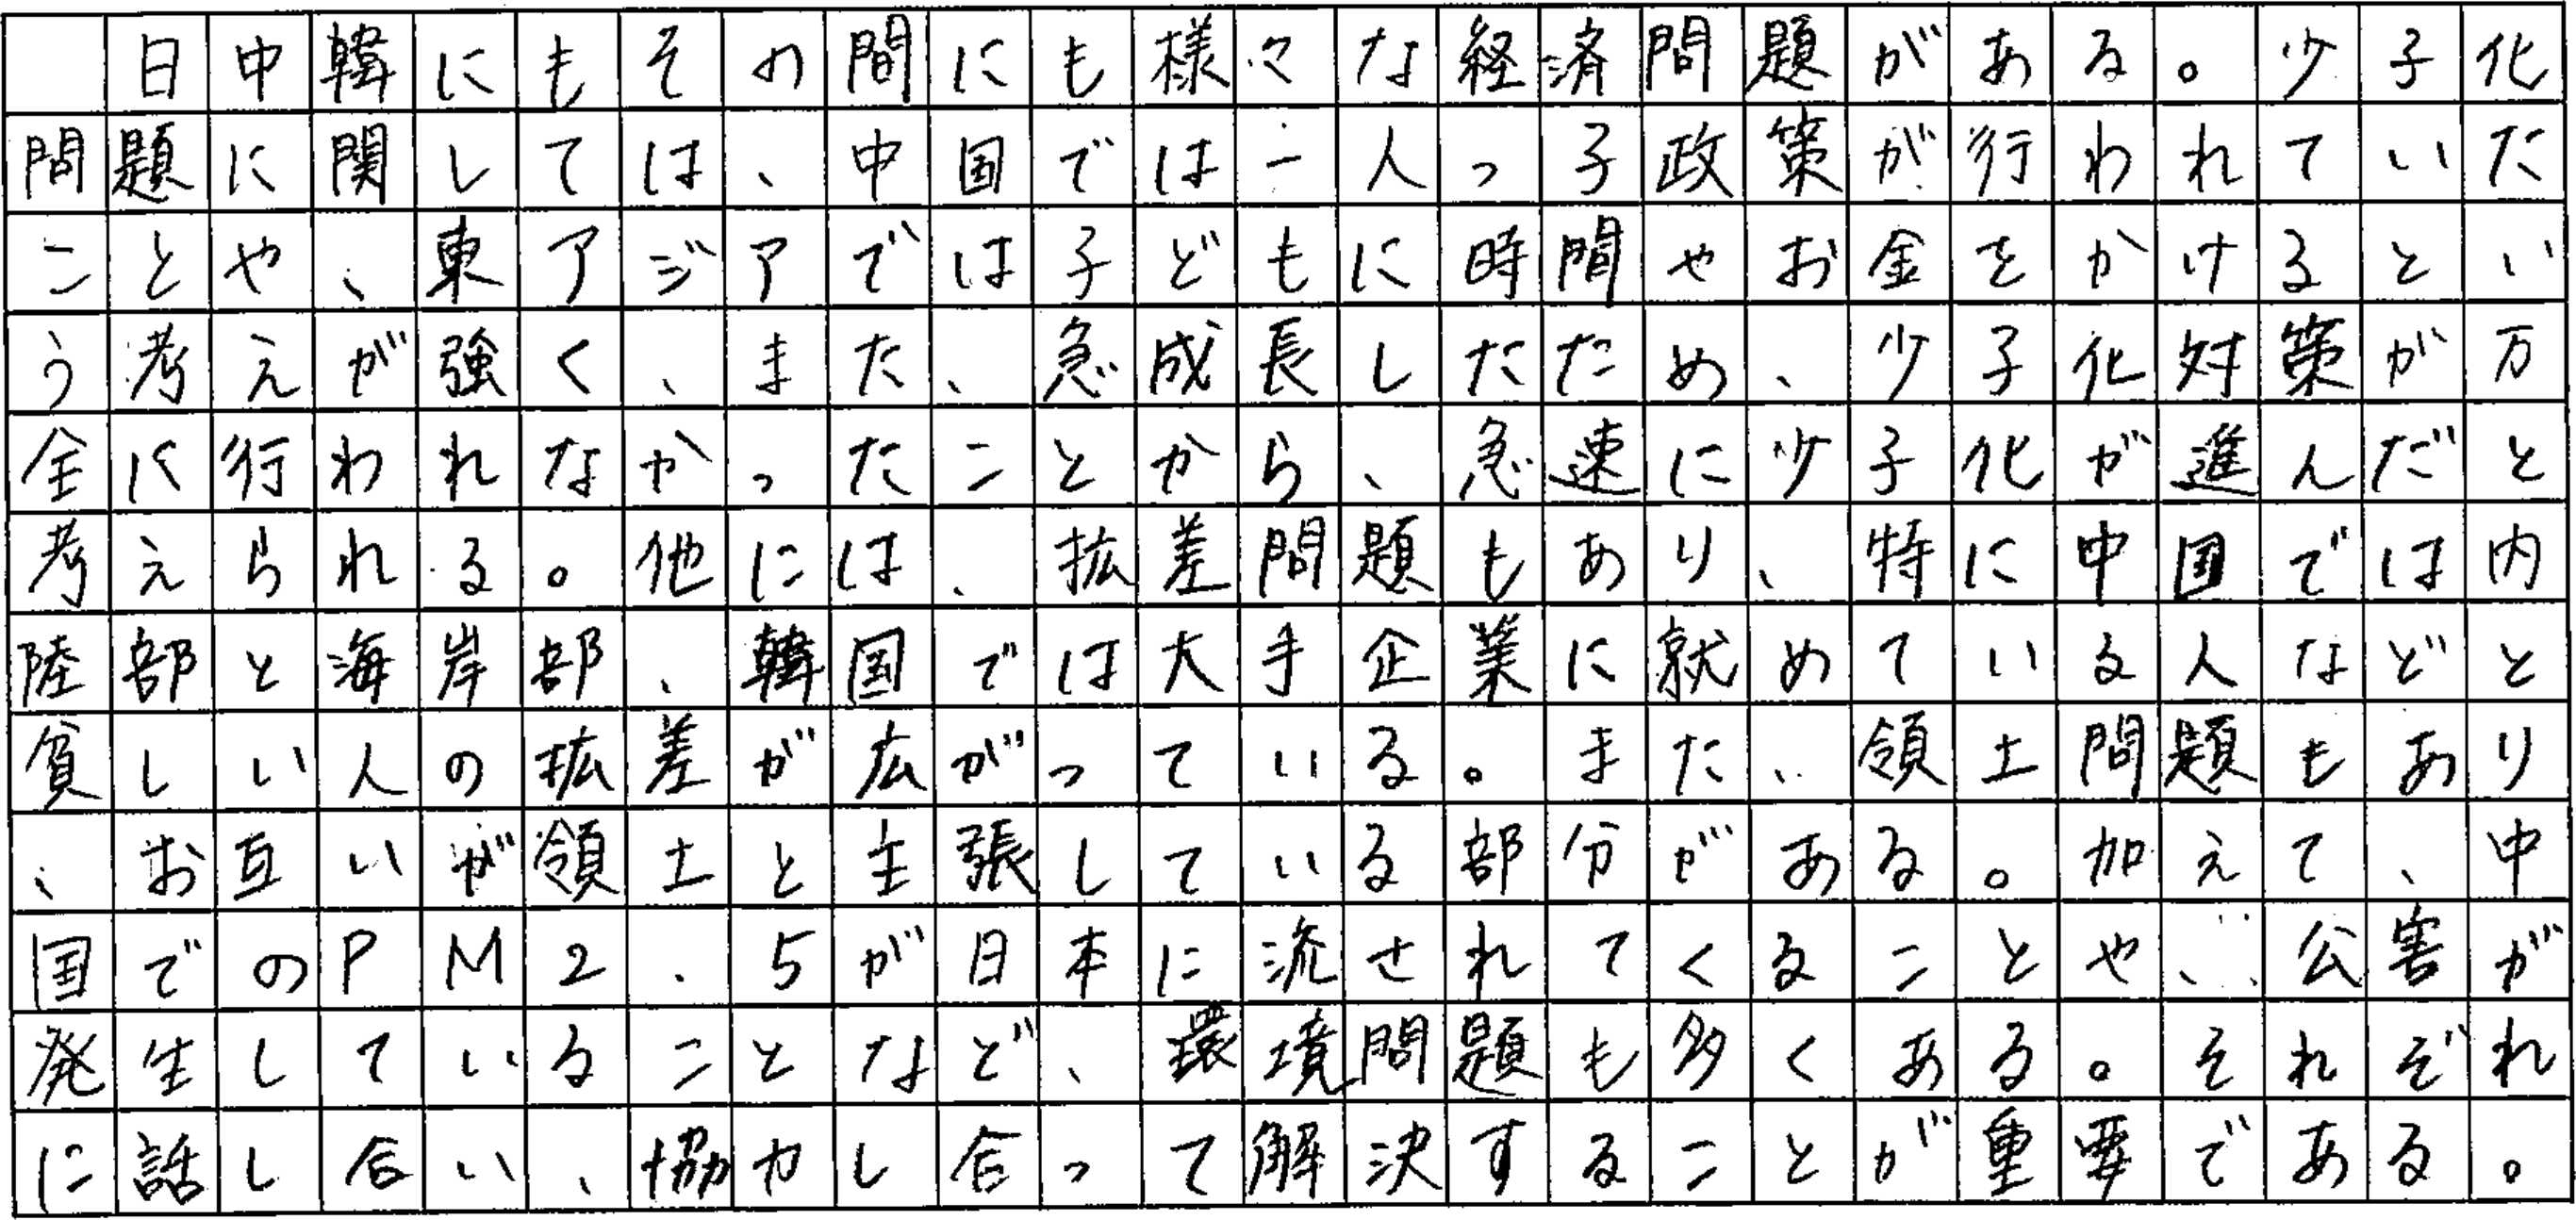　日中韓にもその間にも様々な経済問題がある。少子化問題に関しては、中国では一人っ子政策が行われていたことや、東アジアでは子どもに時間やお金をかけるという考えが強く、また、急成長したため、少子化対策が万全に行われなかったことから、急速に少子化が進んだと考えられる。他には、拡差問題もあり、特に中国では内陸部と海岸部、韓国では大手企業に就めている人などと貧しい人の拡差が広がっている。また、領土問題もあり、お互いが領土と主張している部分がある。加えて、中国でのＰＭ２．５が日本に流されてくることや、公害が発生していることなど、環境問題も多くある。それぞれに話し合い、協力し合って解決することが重要である。
